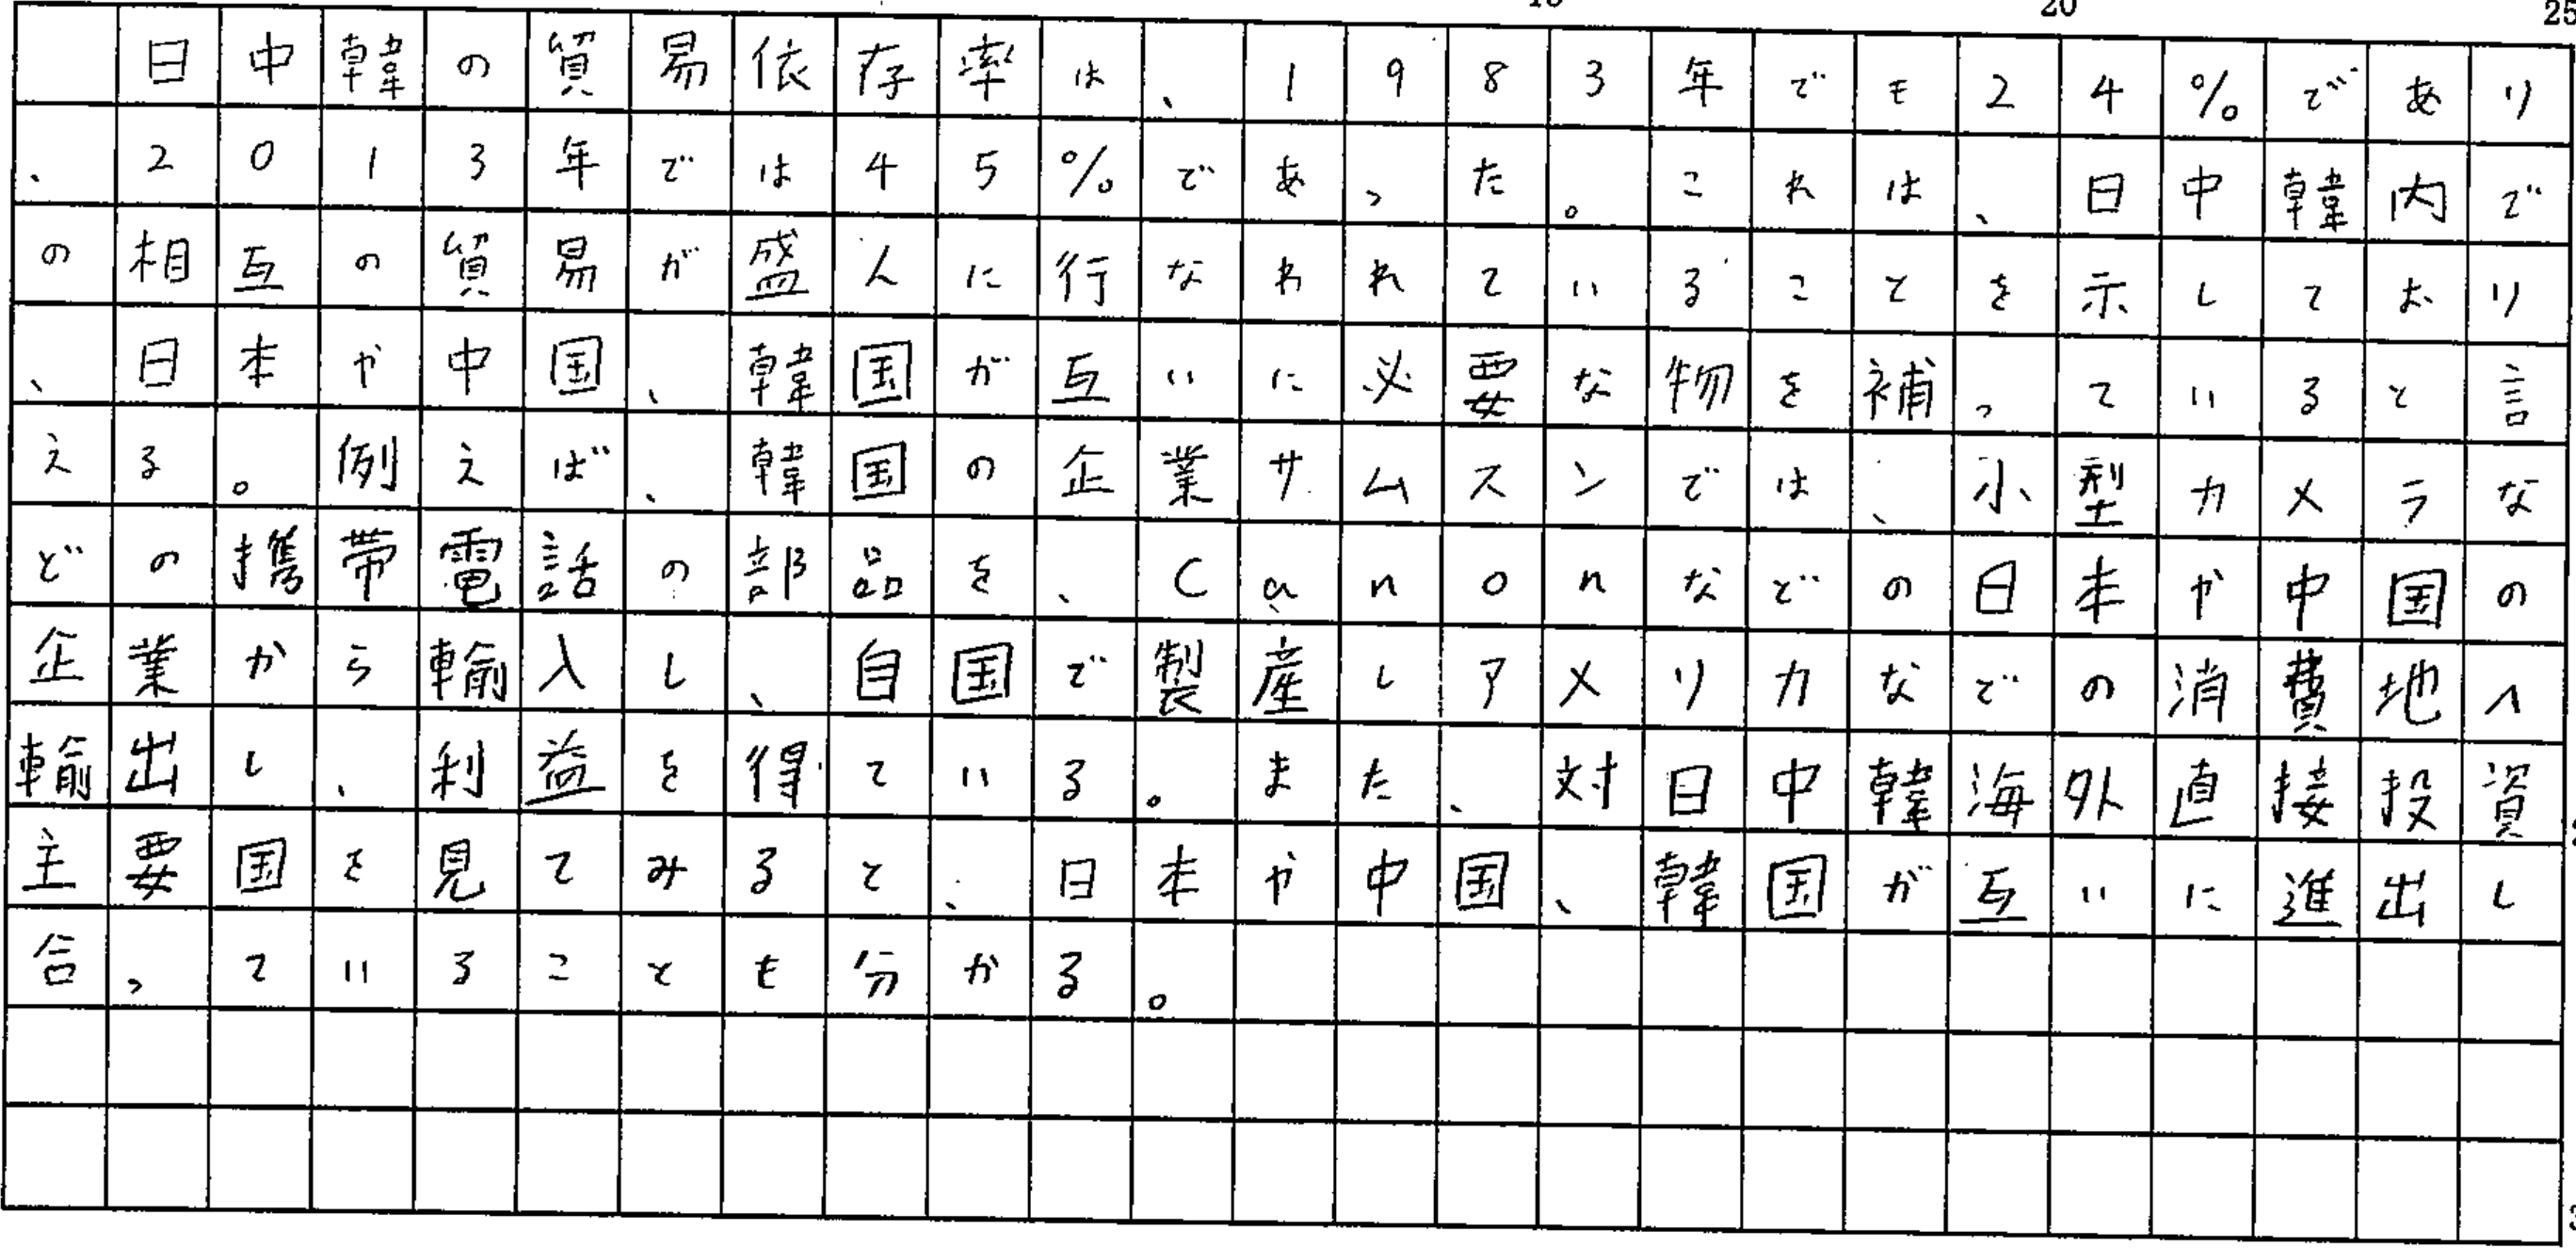　日中韓の貿易依存率は、１９８３年でも２４％であり、２０１３年では４５％であった。これは、日中韓内での相互の貿易が盛んに行なわれていることを示しており、日本や中国、韓国が互いに必要な物を補っていると言える。例えば、韓国の企業サムスンでは、小型カメラなどの携帯電話の部品を、Ｃａｎｏｎなどの日本や中国の企業から輸入し、自国で製産しアメリカなどの消費地へ輸出し、利益を得ている。また、対日中韓海外直接投資主要国を見てみると、日本や中国、韓国が互いに進出し合っていることも分かる。
